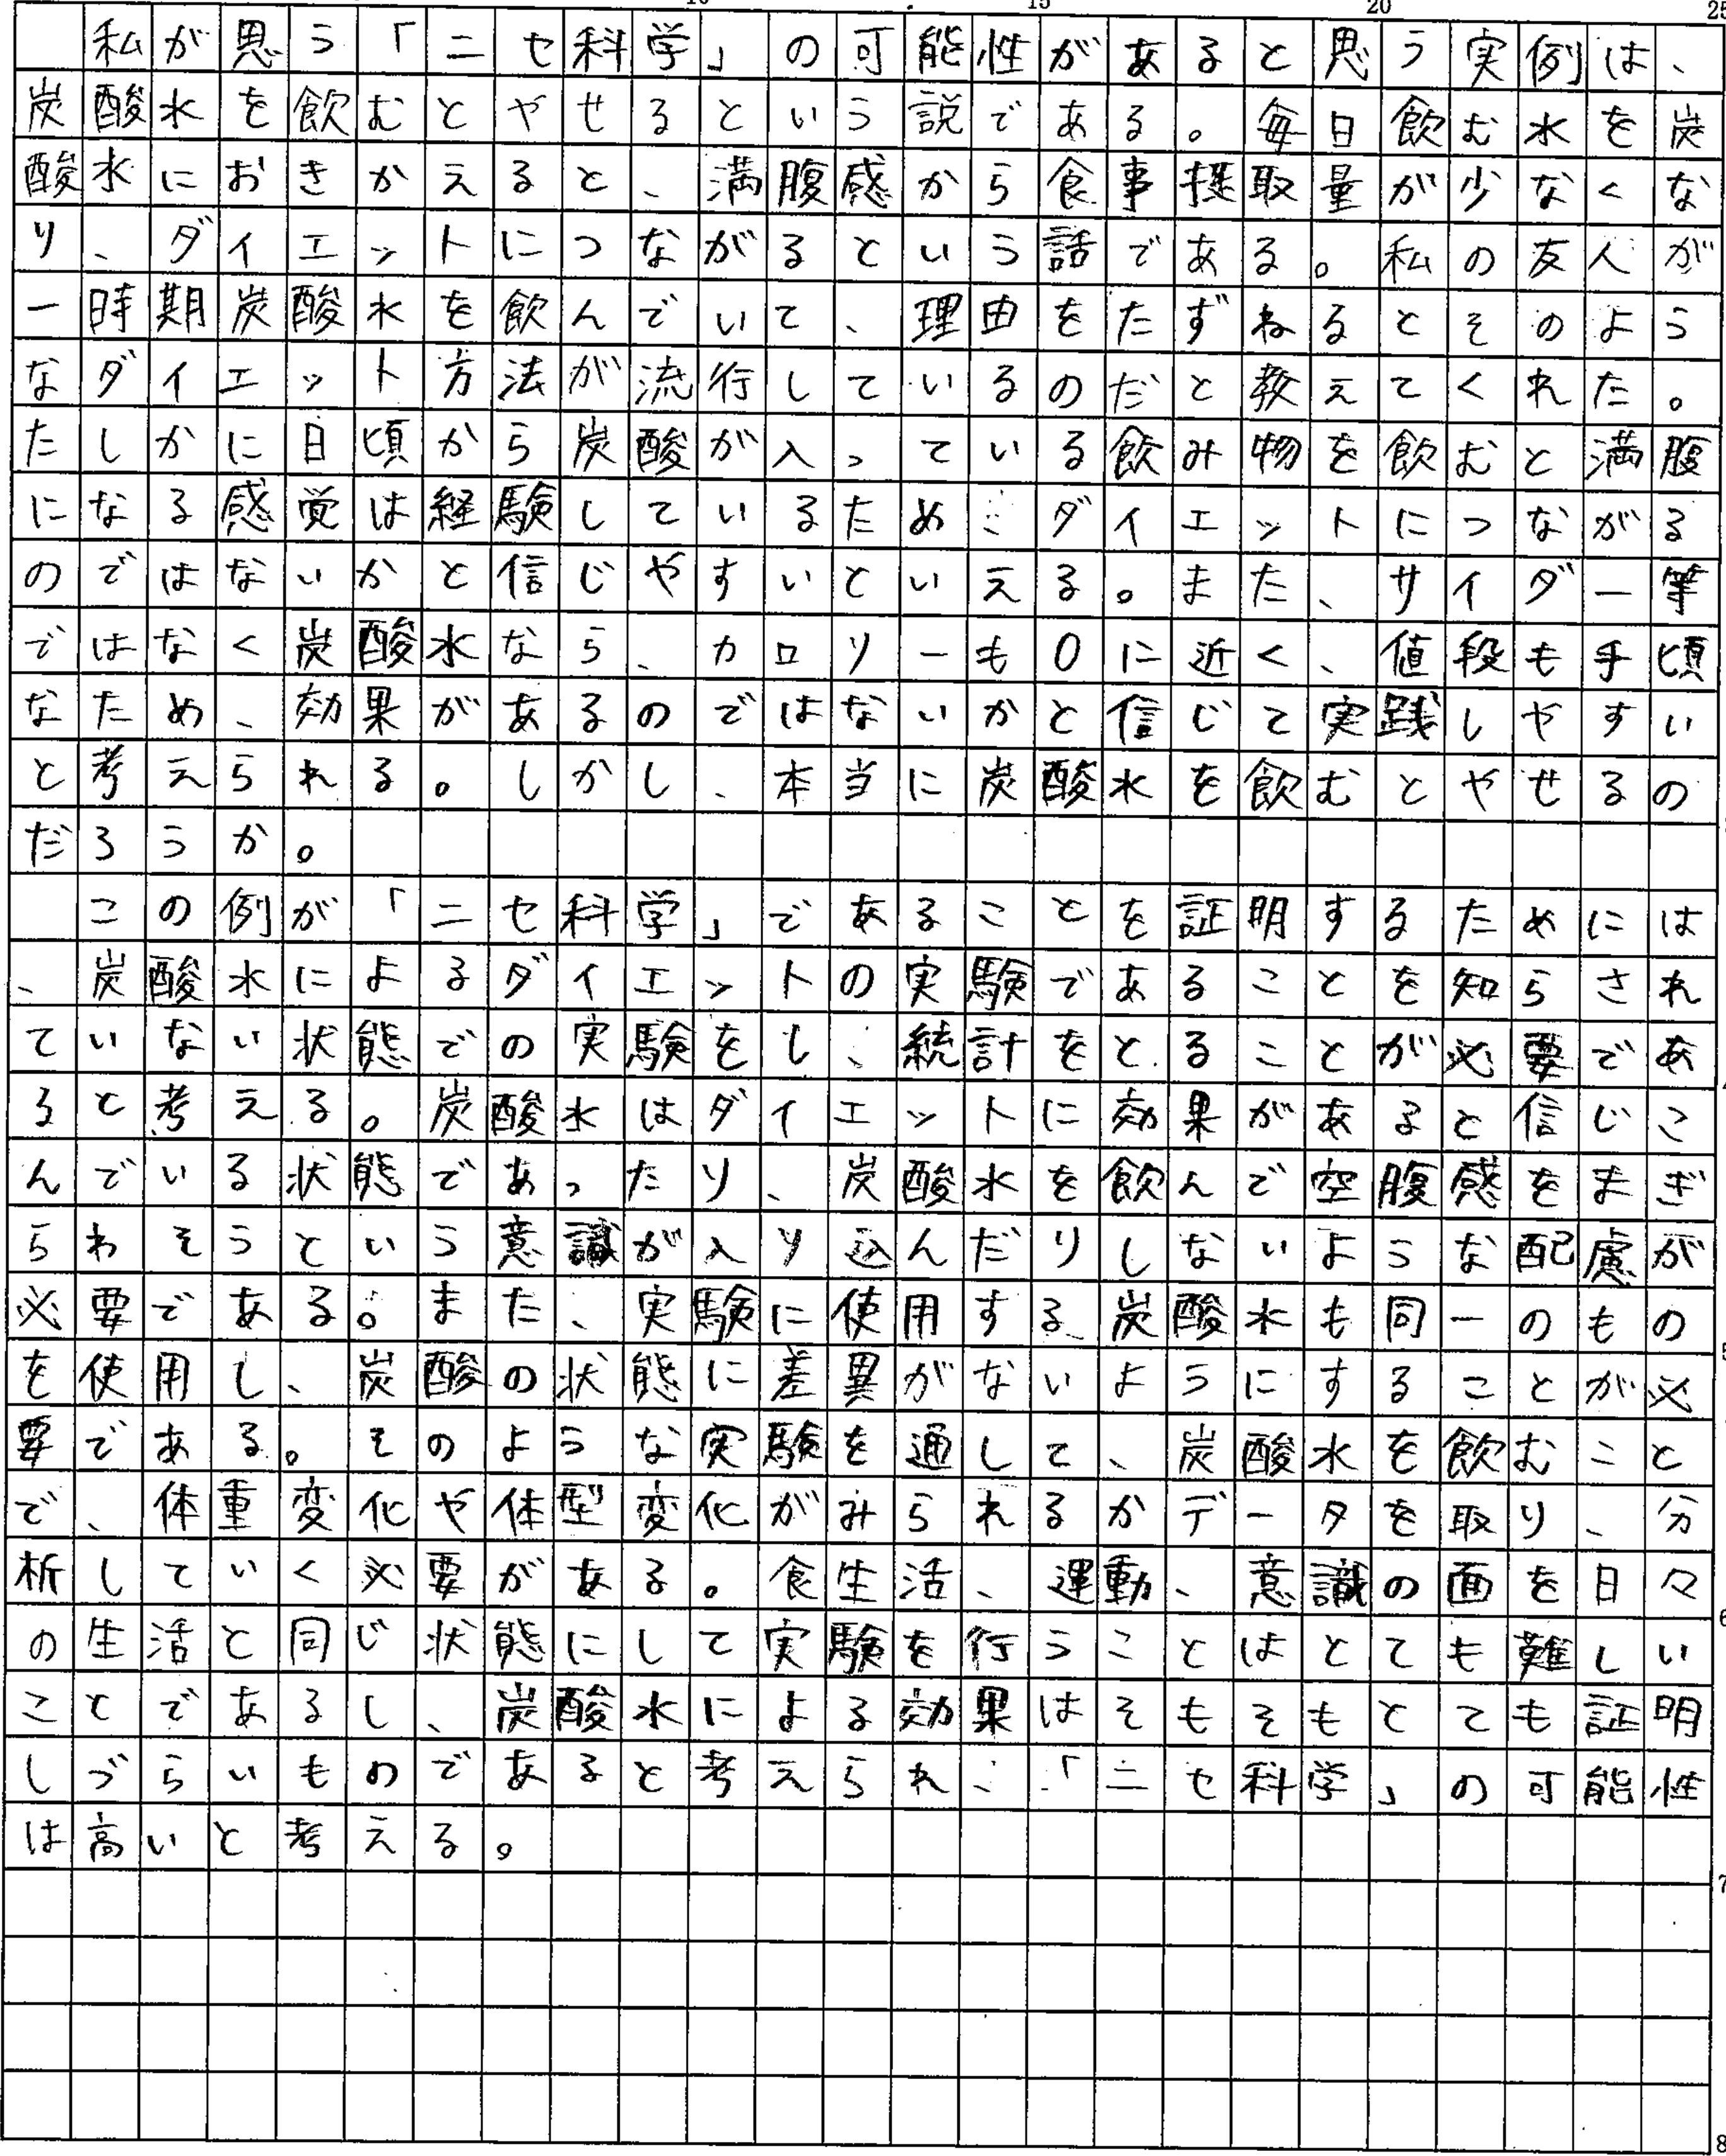　私が思う「ニセ科学」の可能性があると思う実例は、炭酸水を飲むとやせるという説である。毎日飲む水を炭酸水におきかえると、満腹感から食事摂取量が少なくなり、ダイエットにつながるという話である。私の友人が一時期炭酸水を飲んでいて、理由をたずねるとそのようなダイエット方法が流行しているのだと教えてくれた。たしかに日頃から炭酸が入っている飲み物を飲むと満腹になる感覚は経験しているため、ダイエットにつながるのではないかと信じやすいといえる。また、サイダー等ではなく炭酸水なら、カロリーも０に近く、値段も手頃なため、効果があるのではないかと信じて実践しやすいと考えられる。しかし、本当に炭酸水を飲むとやせるのだろうか。
　この例が「ニセ科学」であることを証明するためには、炭酸水によるダイエットの実験であることを知らされていない状態での実験をし、統計をとることが必要であると考える。炭酸水はダイエットに効果があると信じこんでいる状態であったり、炭酸水を飲んで空腹感をまぎらわそうという意識が入り込んだりしないような配慮が必要である。また、実験に使用する炭酸水も同一のものを使用し、炭酸の状態に差異がないようにすることが必要である。そのような実験を通して、炭酸水を飲むことで、体重変化や体型変化がみられるかデータを取り、分析していく必要がある。食生活、運動、意識の面を日々の生活と同じ状態にして実験を行うことはとても難しいことであるし、炭酸水による効果はそもそもとても証明しづらいものであると考えられ、「ニセ科学」の可能性は高いと考える。
